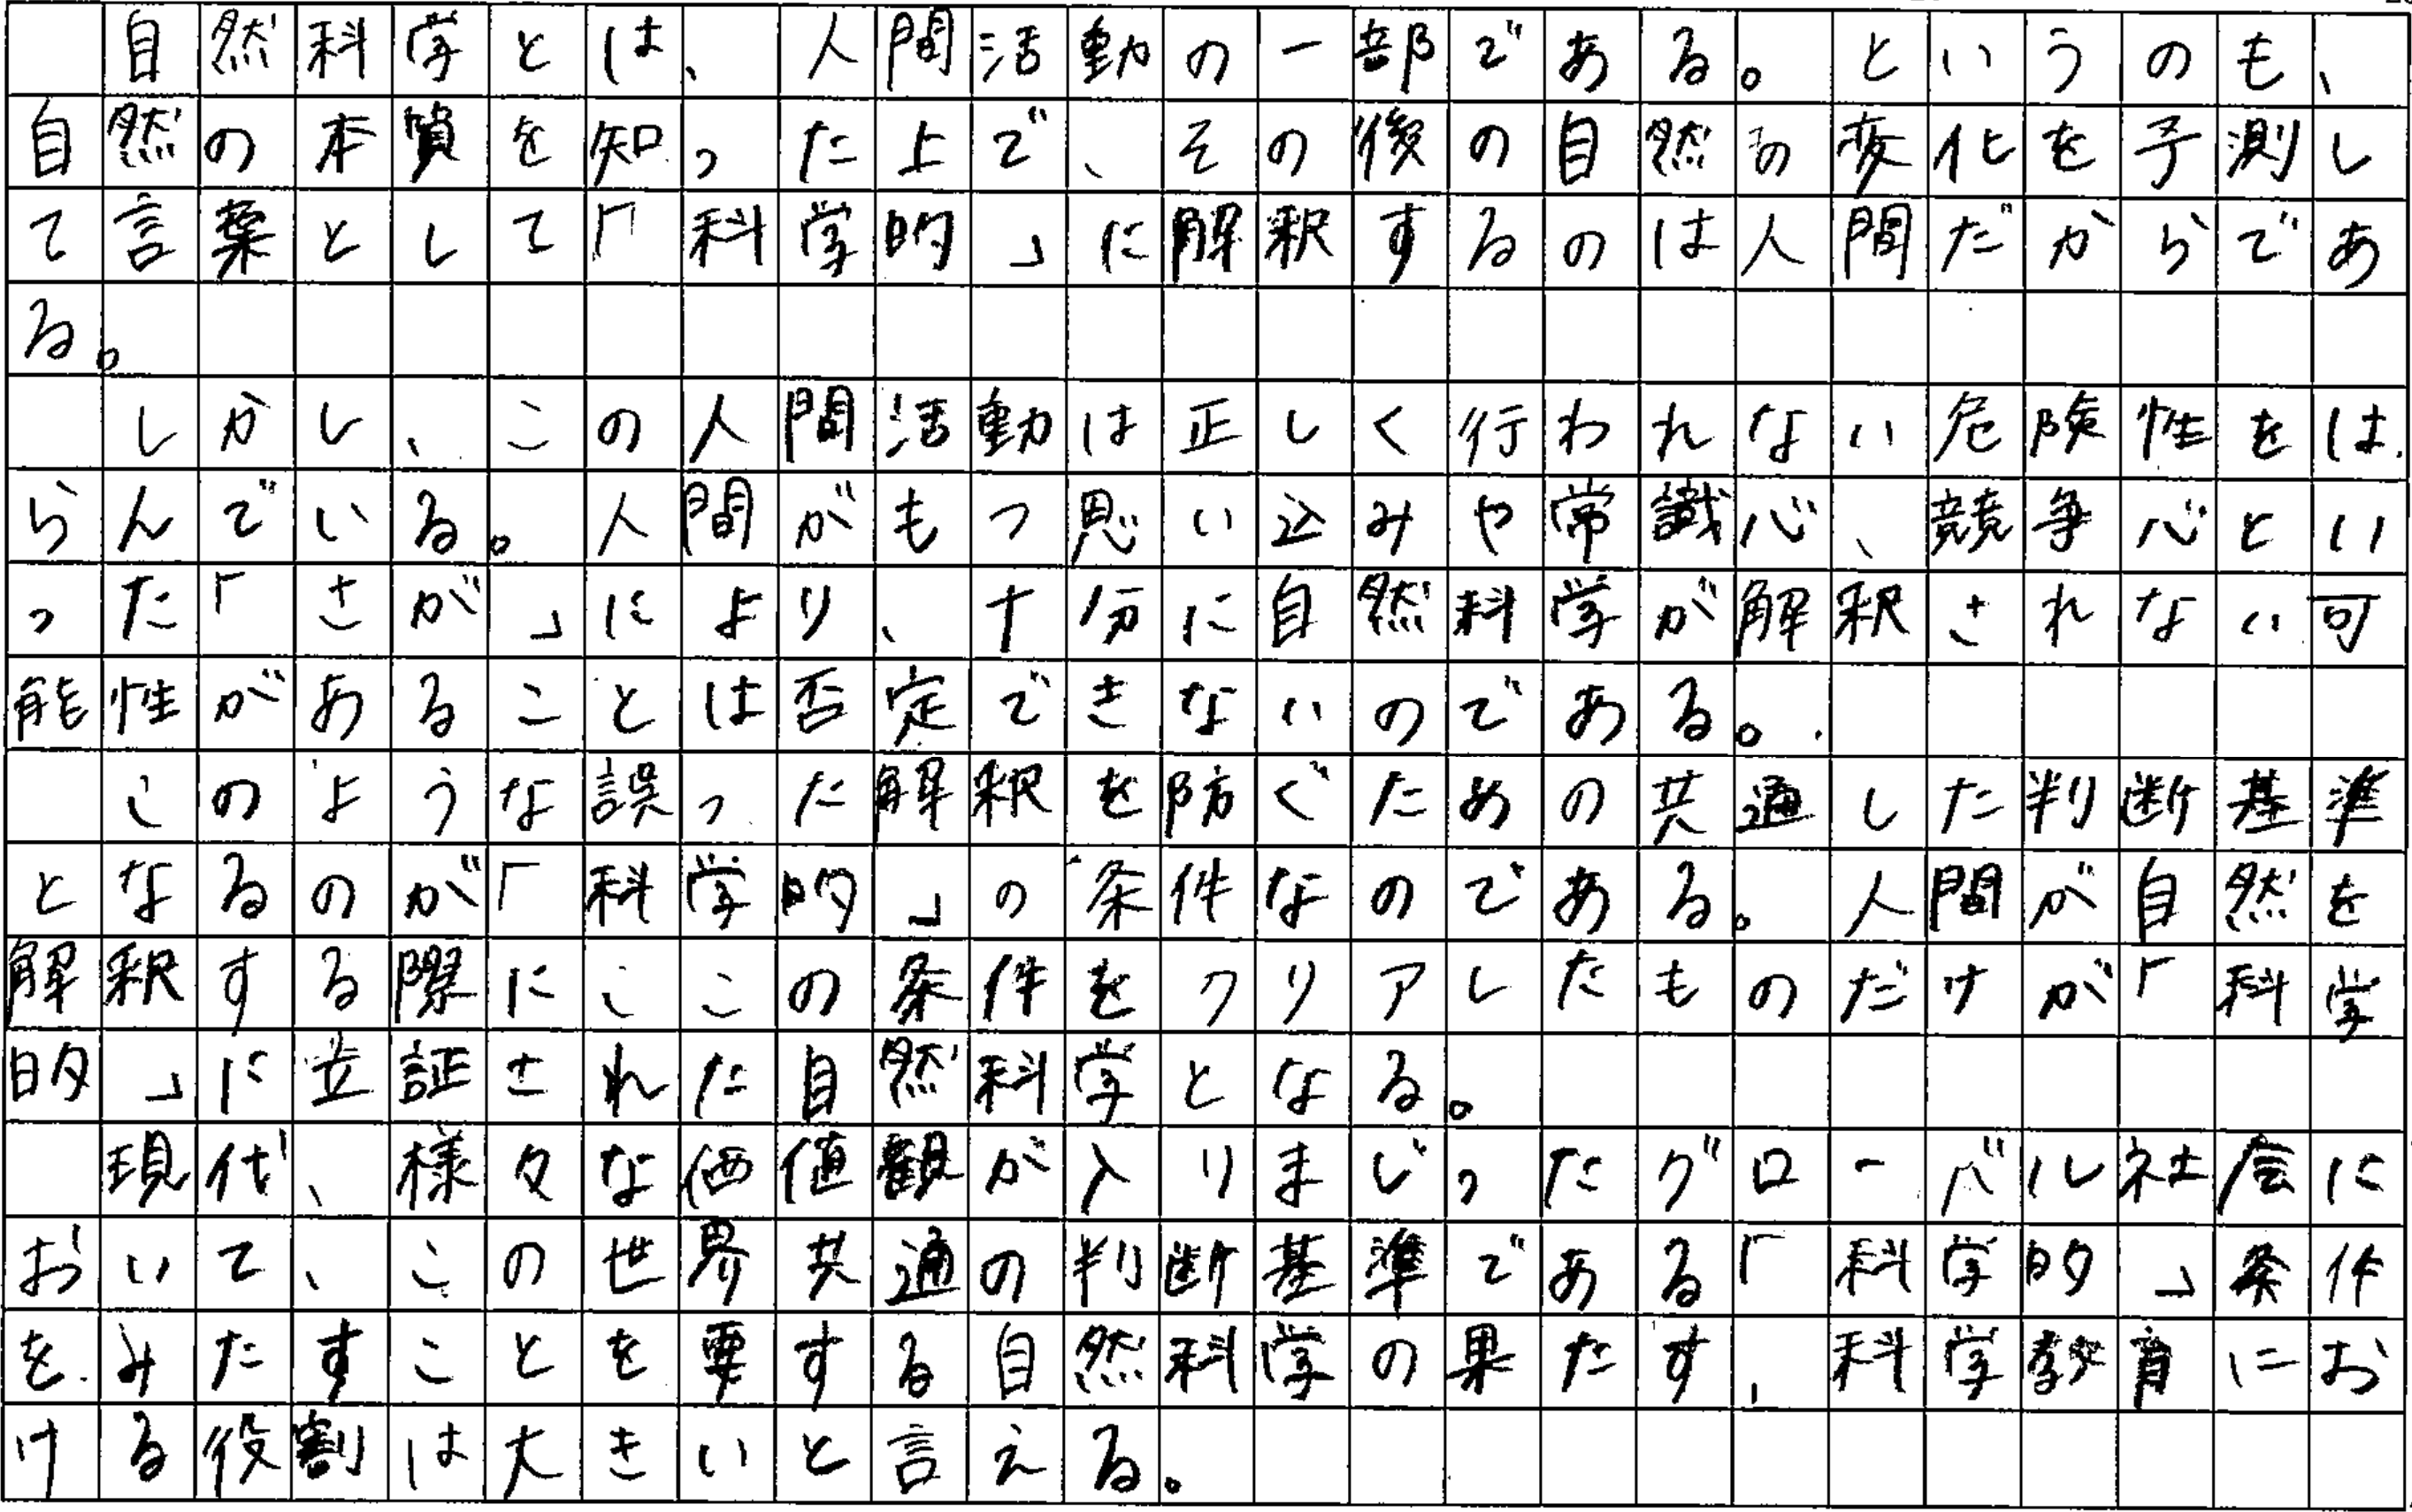　自然科学とは、人間活動の一部である。というのも、自然の本質を知った上で、その後の自然の変化を予測して言葉として「科学的」に解釈するのは人間だからである。
　しかし、この人間活動は正しく行われない危険性をはらんでいる。人間がもつ思い込みや常識心、競争心といった「さが」により、十分に自然科学が解釈されない可能性があることは否定できないのである。
　このような誤った解釈を防ぐための共通した判断基準となるのが「科学的」の条件なのである。人間が自然を解釈する際に、この条件をクリアしたものだけが「科学的」に立証された自然科学となる。
　現代、様々な価値観が入りまじったグローバル社会において、この世界共通の判断基準である「科学的」条件をみたすことを要する自然科学の果たす、科学教育における役割は大きいと言える。
